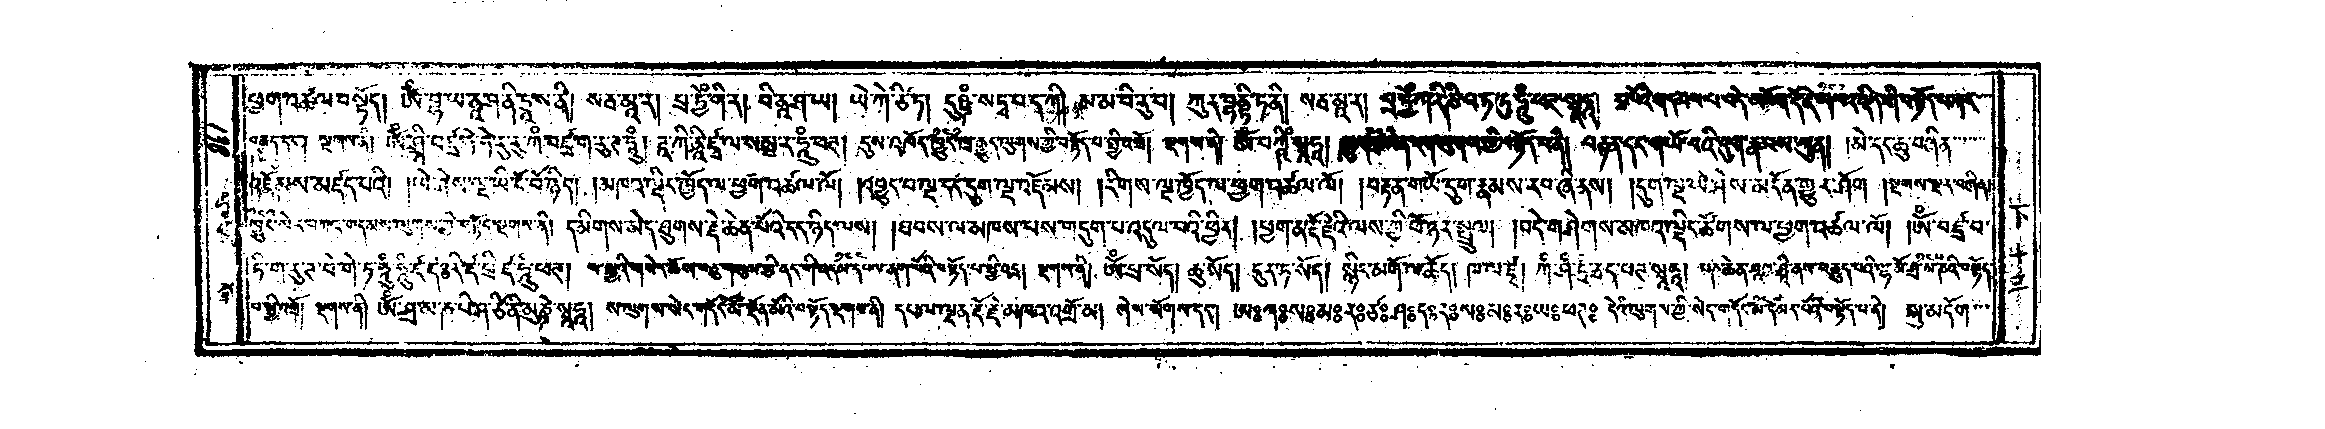ཕྱག་འཚལ་བསྟོད། ཨོཾ་བྷ་ཡ་ནཱ་ཤ་ནི་ཏྲཱ་ས་ནི། སརྦ་མཱ་ར། པྲ་ཏྱེཾ་གི་ར། བི་ནཱ་ཤ་ཡ། ཡེ་ཀེ་ཙི་ཏ། དུཥྜཾ་སཏྭ་པ་ད་ཀི། མ་མ་བི་རུ་པ། ཀུར་བྷནྟི་ཏ་ནི། སརྦ་མཱ་ར། པྲ་ཏྱེཾ་ཀ་རི་ཎི་པ་ཏ་ཏུ་ཧཱུཾ་ཕཊ་སྭཱཧཱ། རྭ་ལོའི་གདམས་པ་བདེ་མཆོག་རྡོ་རྗེ་མཁའ ༡༤༠་ལྡིང་གི་བསྟོད་པ་རྐང་
བརྒྱད་དང་། སྔགས་ནི། ཨོཾ་ཤྲཱི་བཛྲ་ཧེ་ཧེ་རུ་རུ་ཀཾ་བཛྲ་ག་རུ་ཊ་ཧཱུཾ། ཌཱ་ཀི་ནཱི་ཛྭ་ལ་སམྦ་ར་ཧཱུཾ་ཕཊ། དུས་འཁོར་ཁྱུད ༡༤༡་ཁྲ་རྒྱུད་ལུགས་ཀྱི་བསྟོད་པ་སྤྱི་འགྲོ། སྔགས་ནི། ཨོཾ་པཀྵིཾ་སྭཱཧཱ། ཁྱུང་ཁྲ་༡༤༢་མན་ངག་ལུགས་ཀྱི་བསྟོད་པ་ནི། བརྟན་དང་གཡོ་བའི་དུག་རྣམས་ཀུན། །མེ་དང་ཆུ་བཞིན་
འཇོམས་མཛད་པའི། །ཡེ་ཤེས་ལྔ་ཡི་ངོ་བོ་ཉིད། །མཁའ་ལྡིང་ཁྱོད་ལ་ཕྱག་འཚལ་ལོ། །འབྱུང་བ་ལྔ་དང་དུག་ལྔ་འཇོམས། །རིགས་ལྔ་ཁྱོད་ལ་ཕྱག་འཚལ་ལོ། །བརྟན་གཡོ་དུག་རྣམས་རབ་ཞི་ནས། །དུག་ལྔ་ཡེ་ཤེས་མངོན་གྱུར་ཤོག །སྔགས་སྔར་བཞིན།
ཁྱུང་༡༤༣་སེར་བཀའ་གདམས་ལུགས་ཀྱི་བསྟོད་སྔགས་ནི། དམིགས་མེད་ཐུགས་རྗེ་ཆེན་པོའི་ངང་ཉིད་ལས། །ཐབས་ལ་མཁས་པས་གདུག་པ་འདུལ་བའི་ཕྱིར། །ཕྱག་ན་རྡོ་རྗེའི་ལས་ཀྱི་ཕོ་ཉར་སྤྲུལ། །བདེ་གཤེགས་མཁའ་ལྡིང་ཚོགས་ལ་ཕྱག་འཚལ་ལོ། །ཨོཾ་བཛྲ་བ་
ཏི་ག་རུ་ཊ་བེ་གེ་ཏ་ཧཱུཾ་ཧཱུཾ་ཛ་ཛཿརི་ཛ་པྲི་ཛ་ཧཱུཾ་ཕཊ། ས་སྐྱའི་གསེར་ཆོས་བཅུ་གསུམ་གྱི་ནང་གི་འཇམ་དཔལ ༡༤༤་ནག་པོའི་བསྟོད་པ་སྤྱི་འདྲ། སྔགས་ནི། ཨོཾ་པྲ་སོད། ཆུ་སོད། དུར་ཏ་སོད། སྙིང་མགོ་ལ་ཆོད། ཁ་ལ་ཛྭ། ཀཾ་ཤཾ་ཏྲཾ་རྦད་ཕཊ་སྭཱཧཱ། པཎ་ཆེན་ཤཱཀྱ་ཤྲཱི་ནས་བརྒྱུད་བའི་ལྷ་མོ་ཤྲ་མ་ཎའི ༡༤༥་བསྟོད་
པ་སྤྱི་འགྲོ། སྔགས་ནི། ཨོཾ་ཤྲ་མ་ཎ་པི་ཤ་ཙི་ནི་མུཎྜེ་སྭཱཧཱ། ས་ལུགས་སེང་གདོད་མ ༡༤༦་སྔོན་མོའི་བསྟོད་སྔགས་ནི། དཔལ་ལྡན་རྡོ་རྗེ་མཁའ་འགྲོ་མ། ཞེས་སོགས་དང་།  ཨཿཀཿསཿམཿརཿཙཿཤཿདཿརཿསཿམཿརཿཡཿཕཊཿ དེའི་ལུགས་ཀྱི་སེང་གདོང་མ ༡༤༧་དམར་པོའི་བསྟོད་པ་ནི། སྐུ་མདོག་